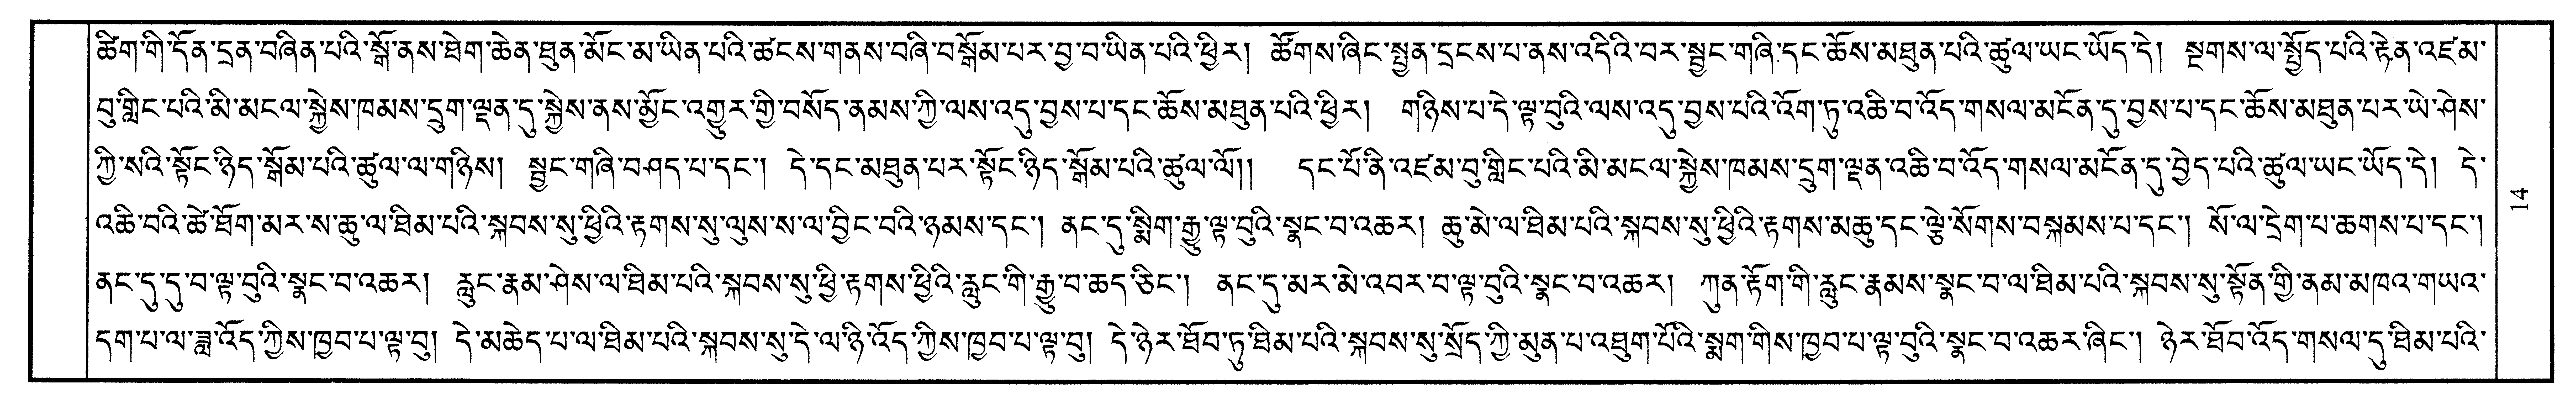ཚིག་གི་དོན་དྲན་བཞིན་པའི་སྒོ་ནས་ཐེག་ཆེན་ཐུན་མོང་མ་ཡིན་པའི་ཚངས་གནས་བཞི་བསྒོམ་པར་བྱ་བ་ཡིན་པའི་ཕྱིར། ཚོགས་ཞིང་སྤྱན་དྲངས་པ་ནས་འདིའི་བར་སྦྱང་གཞི་དང་ཆོས་མཐུན་པའི་ཚུལ་ཡང་ཡོད་དེ། སྔགས་ལ་སྤྱོད་པའི་རྟེན་འཛམ་
བུ་གླིང་པའི་མི་མངལ་སྐྱེས་ཁམས་དྲུག་ལྡན་དུ་སྐྱེས་ནས་མྱོང་འགྱུར་གྱི་བསོད་ནམས་ཀྱི་ལས་འདུ་བྱས་པ་དང་ཆོས་མཐུན་པའི་ཕྱིར། གཉིས་པ་དེ་ལྟ་བུའི་ལས་འདུ་བྱས་པའི་འོག་ཏུ་འཆི་བ་འོད་གསལ་མངོན་དུ་བྱས་པ་དང་ཆོས་མཐུན་པར་ཡེ་ཤེས་
ཀྱི་སའི་སྟོང་ཉིད་སྒོམ་པའི་ཚུལ་ལ་གཉིས། སྦྱང་གཞི་བཤད་པ་དང་། དེ་དང་མཐུན་པར་སྟོང་ཉིད་སྒོམ་པའི་ཚུལ་ལོ།། དང་པོ་ནི་འཛམ་བུ་གླིང་པའི་མི་མངལ་སྐྱེས་ཁམས་དྲུག་ལྡན་འཆི་བ་འོད་གསལ་མངོན་དུ་བྱེད་པའི་ཚུལ་ཡང་ཡོད་དེ། དེ་
འཆི་བའི་ཚེ་ཐོག་མར་ས་ཆུ་ལ་ཐིམ་པའི་སྐབས་སུ་ཕྱིའི་རྟགས་སུ་ལུས་ས་ལ་བྱིང་བའི་ཉམས་དང་། ནང་དུ་སྨིག་རྒྱུ་ལྟ་བུའི་སྣང་བ་འཆར། ཆུ་མེ་ལ་ཐིམ་པའི་སྐབས་སུ་ཕྱིའི་རྟགས་མཆུ་དང་ལྕེ་སོགས་བསྐམས་པ་དང་། སོ་ལ་དྲེག་པ་ཆགས་པ་དང་།
ནང་དུ་དུ་བ་ལྟ་བུའི་སྣང་བ་འཆར། རླུང་རྣམ་ཤེས་ལ་ཐིམ་པའི་སྐབས་སུ་ཕྱི་རྟགས་ཕྱིའི་རླུང་གི་རྒྱུ་བ་ཆད་ཅིང་། ནང་དུ་མར་མེ་འབར་བ་ལྟ་བུའི་སྣང་བ་འཆར། ཀུན་རྟོག་གི་རླུང་རྣམས་སྣང་བ་ལ་ཐིམ་པའི་སྐབས་སུ་སྟོན་གྱི་ནམ་མཁའ་གཡའ་
དག་པ་ལ་ཟླ་འོད་ཀྱིས་ཁྱབ་པ་ལྟ་བུ། དེ་མཆེད་པ་ལ་ཐིམ་པའི་སྐབས་སུ་དེ་ལ་ཉི་འོད་ཀྱིས་ཁྱབ་པ་ལྟ་བུ། དེ་ཉེར་ཐོབ་ཏུ་ཐིམ་པའི་སྐབས་སུ་སྲོད་ཀྱི་མུན་པ་འཐུག་པོའི་སྨག་གིས་ཁྱབ་པ་ལྟ་བུའི་སྣང་བ་འཆར་ཞིང་། ཉེར་ཐོབ་འོད་གསལ་དུ་ཐིམ་པའི་